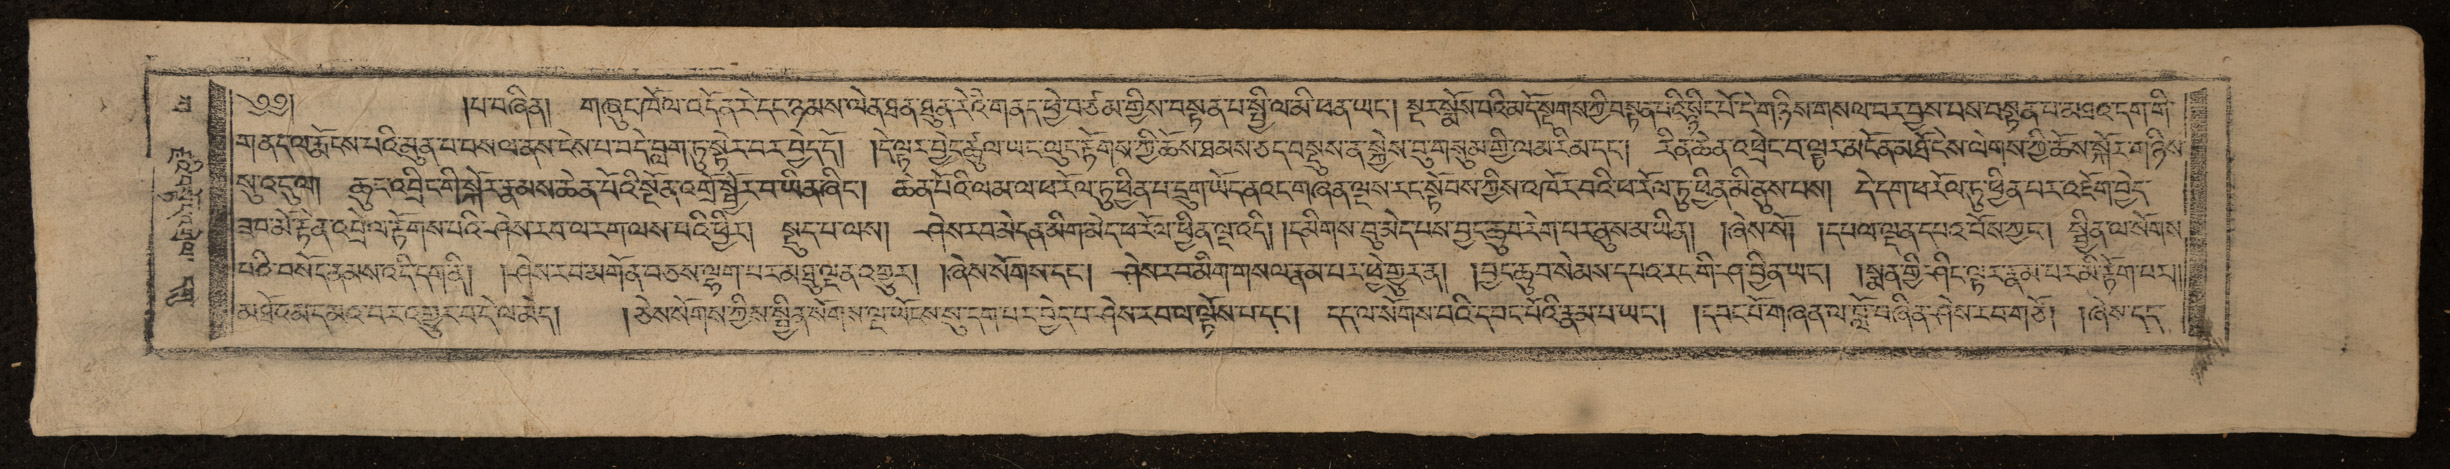༄༅། །བཞིན། གཞུང་ཁོལ་འདོན་རེ་དང་ཉམས་ལེན་ཐན་ཐུན་རེའི་གནད་ཕྱེ་བ་ཙམ་གྱིས་བསྟན་ལ་སྤྱི་ལ་མི་ལན་ཡང་། སྡང་སྨོས་བའི་མདོ་སྔགས་ཀྱི་བསྟན་པའི་སྙིང་པོ་དེ་གཉིས་གསལ་བར་བྱས་པས་བསྟན་པ་མཐའ་དག་གི་
གནད་ལ་རྨོངས་པའི་མུན་པ་བསལ་ནས་ངེས་པ་བདེ་བླག་ཏུ་སྟེར་བར་བྱེད་དོ། །དེ་ལྟར་བྱེད་ཚུལ་ཡང་ལུང་རྟོགས་ཀྱི་ཆོས་ཐམས་ཅད་བསྡུས་ན་སྐྱེས་བུ་གསུམ་གྱི་ལམ་རིམ་དང་། རིན་ཆེན་འཕྲེང་བ་ལྟར་མངོན་མཐོ་ངེས་ལེགས་ཀྱི་ཆོས་སྐོར་གཉིས་
སུ་འདུལ། ཆུང་འབྲིང་གི་སྐོར་རྣམས་ཆེན་པོའི་སྔོན་འགྲོ་སྦྱོར་བ་ཡིན་ཞིང་། ཆེན་པོའི་ལམ་ལ་ཕ་རོལ་ཏུ་ཕྱིན་པ་དྲུག་ཡོད་ནའང་གཞན་ཝས་རང་སྟོབས་ཀྱིས་འཁོར་བའི་ཕ་རོལ་ཏུ་ཕྱིན་མི་ནུས་པས། དེ་དག་ཕ་རོལ་ཏུ་ཕྱིན་པར་འཇོག་བྱེད།
ཟབ་མོ་རྟན་འབྲེལ་རྟོགས་པའི་ཤེས་རབ་ལ་རག་ལས་པའི་ཕྱིར། སྡུད་པ་ལས། ཤེས་རབ་མེད་ན་མིན་མེད་ཕ་རོལ་ཕྱིན་ལྔ་འདི། །དམིགས་བུ་མེད་པས་བྱང་ཆུབ་རེག་པར་ནུས་མ་ཡིན། །ཞེས་སོ། །དཔལ་ལྡན་དཔའ་པོས་ཀྱང་། སྦྱིན་ལ་སོགས་
པའི་བསོད་ནམས་འདི་དག་ནི། །ཤེས་རབ་མགོན་བཅས་ལྷག་པར་མཐུ་ལྡན་འགྱུར། །ཞེས་སོགས་དང་། ཤེས་རབ་མིག་གསལ་རྣམ་པར་ཕྱེ་གྱུར་ན། །བྱང་ཆུབ་སེམས་དཔའ་རང་གི་ཤ་བྱིན་ཡང་། །སྨན་གྱི་ཤིང་ལྟར་རྣམ་པར་མི་རྟོག་པར།
མཐོ་འམ་དམའ་བར་འགྱུར་བ་དེ་ལ་མེད། །ཅེས་སོགས་ཀྱིས་སྦྱིན་སོགས་ལྔ་ཡོངས་སུ་དག་པར་བྱེད་པ་ཤེས་རབ་ལ་ལྟོས་པ་དང་། དད་ལ་སོགས་བའི་དབང་པོའི་རྣམ་པ་ཡང་། །དབང་པོ་གཞན་ལ་གློ་བཞིན་ཤེས་རབ་གཙོ། །ཞེས་དང་